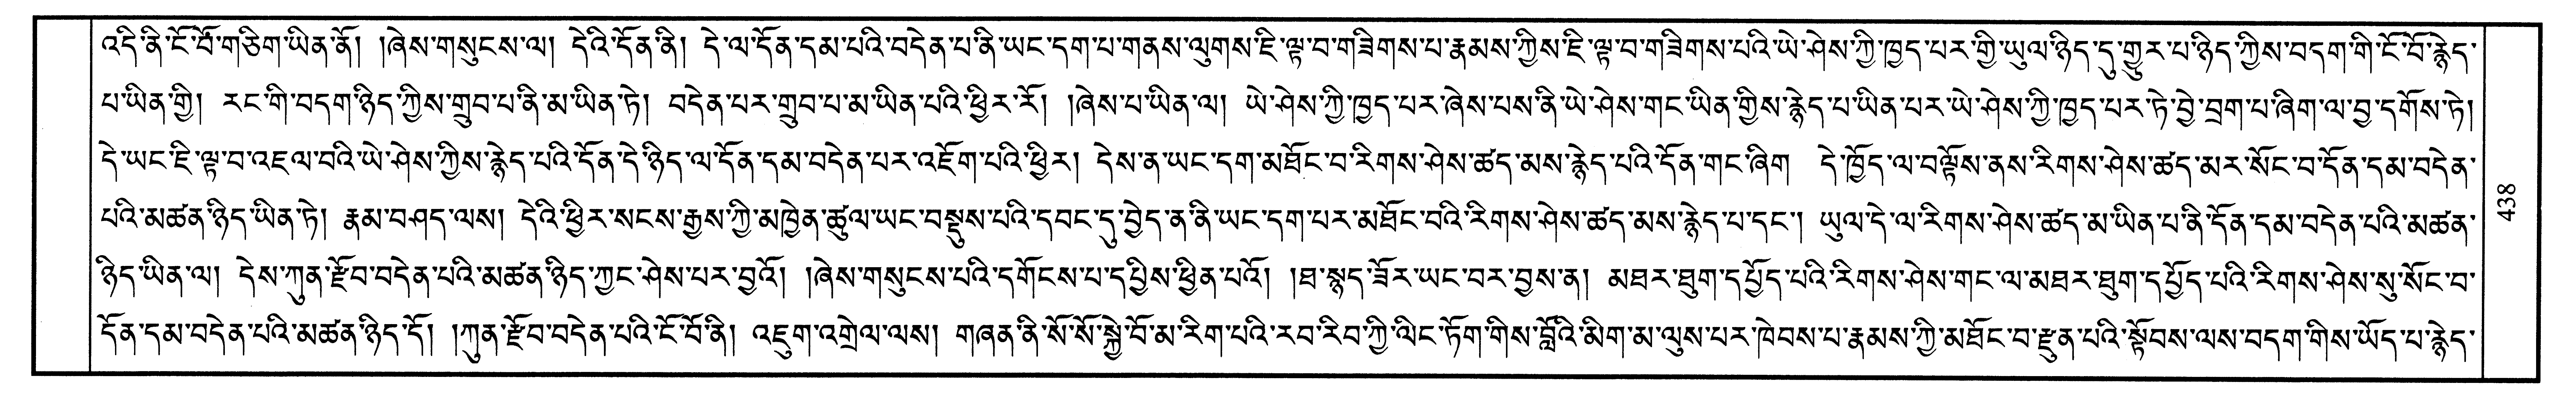འདི་ནི་ངོ་བོ་གཅིག་ཡིན་ནོ། །ཞེས་གསུངས་ལ། དེའི་དོན་ནི། དེ་ལ་དོན་དམ་པའི་བདེན་པ་ནི་ཡང་དག་པ་གནས་ལུགས་ཇི་ལྟ་བ་གཟིགས་པ་རྣམས་ཀྱིས་ཇི་ལྟ་བ་གཟིགས་པའི་ཡེ་ཤེས་ཀྱི་ཁྱད་པར་གྱི་ཡུལ་ཉིད་དུ་གྱུར་པ་ཉིད་ཀྱིས་བདག་གི་ངོ་བོ་རྙེད་
པ་ཡིན་གྱི། རང་གི་བདག་ཉིད་ཀྱིས་གྲུབ་པ་ནི་མ་ཡིན་ཏེ། བདེན་པར་གྲུབ་པ་མ་ཡིན་པའི་ཕྱིར་རོ། །ཞེས་པ་ཡིན་ལ། ཡེ་ཤེས་ཀྱི་ཁྱད་པར་ཞེས་པས་ནི་ཡེ་ཤེས་གང་ཡིན་གྱིས་རྙེད་པ་ཡིན་པར་ཡེ་ཤེས་ཀྱི་ཁྱད་པར་ཏེ་བྱེ་བྲག་པ་ཞིག་ལ་བྱ་དགོས་ཏེ།
དེ་ཡང་ཇི་ལྟ་བ་འཇལ་པའི་ཡེ་ཤེས་ཀྱིས་རྙེད་པའི་དོན་དེ་ཉིད་ལ་དོན་དམ་བདེན་པར་འཇོག་པའི་ཕྱིར། །དེས་ན་ཡང་དག་མཐོང་བ་རིགས་ཤེས་ཚད་མས་རྙེད་པའི་དོན་གང་ཞིག །དེ་ཁྱོད་ལ་བལྟོས་ནས་རིགས་ཤེས་ཚད་མར་སོང་བ་དོན་དམ་བདེན་
པའི་མཚན་ཉིད་ཡིན་ཏེ། རྣམ་བཤད་ལས། དེའི་ཕྱིར་སངས་རྒྱས་ཀྱི་མཁྱེན་ཚུལ་ཡང་བསྡུས་པའི་དབང་དུ་བྱེད་ན་ན་ནི་ཡང་དག་པར་མཐོང་བའི་རིགས་ཤེས་ཚད་མས་རྙེད་པ་དང་། ཡུལ་དེ་རིགས་ཤེས་ཚད་མ་ཡིན་པ་ནི་དོན་དམ་བདེན་པའི་མཚན་
ཉིད་ཡིན་ལ། དེས་ཀུན་རྫོབ་བདེན་པའི་མཚན་ཉིད་ཀྱང་ཤེས་པར་བྱའོ། །ཞེས་གསུངས་པའི་དགོངས་པ་དཔྱིས་ཕྱིན་པའོ། །ཐ་སྙད་ཟོར་ཡང་བར་བྱས་ན། མཐར་ཐུག་དཔྱོད་པའི་རིགས་ཤེས་གང་ལ་མཐར་ཐུག་དཔྱོད་པའི་རིགས་ཤེས་སུ་སོང་བ་
དོན་དམ་བདེན་པའི་མཚན་ཉིད་དོ། །ཀུན་རྫོབ་བདེན་པའི་ངོ་བོ་ནི། འཇུག་འགྲེལ་ལས། གཞན་ནི་སོ་སོ་སྐྱེ་བོ་མ་རིག་པའི་རབ་རིབ་ཀྱི་ལིང་ཏོག་གིས་བློའི་མིག་མ་ལུས་པར་ཁེབས་པ་རྣམས་ཀྱི་མཐོང་བ་རྫུན་པའི་སྟོབས་ལས་བདག་གིས་ཡོད་པ་རྙེད་